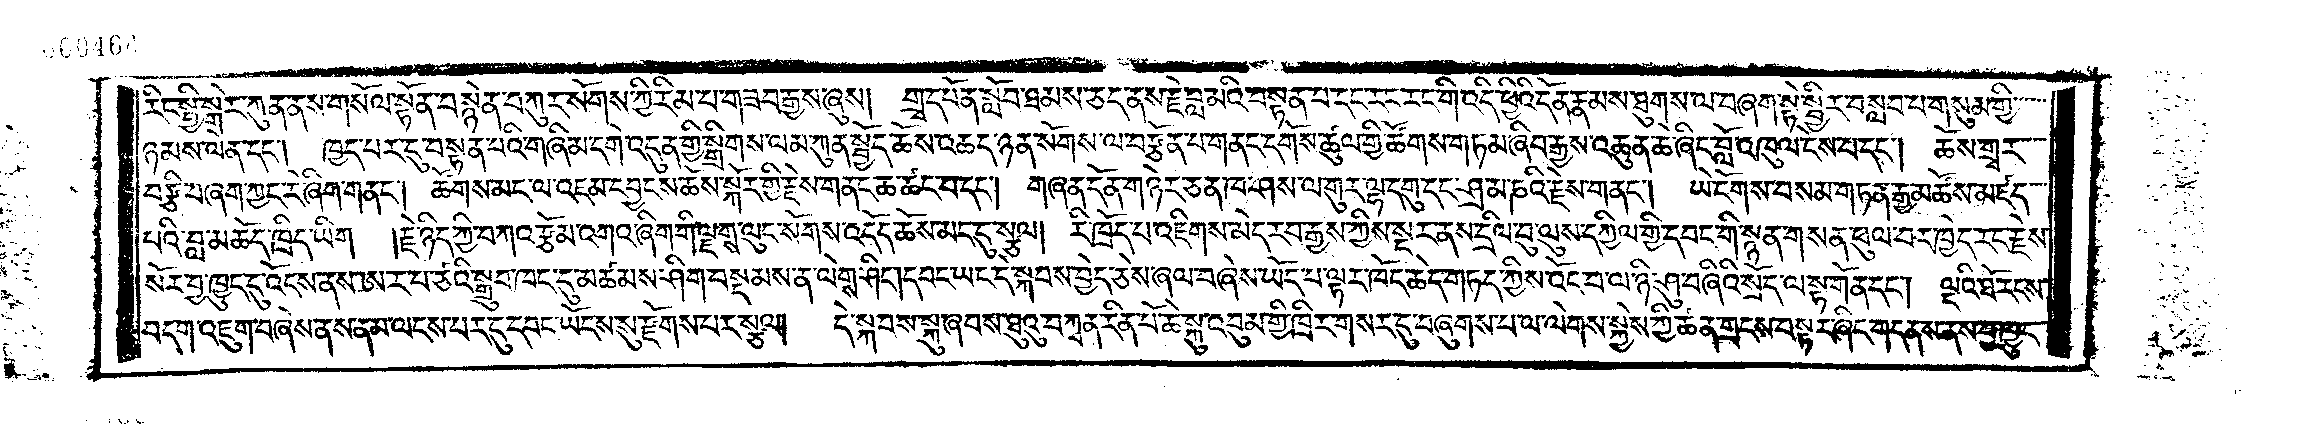རིང་སྦྱི་སྒེར་ཀུན་ནས་གསོལ་སྟོན་བསྙེན་བཀུར་སོགས་ཀྱི་རིམ་པ་གཟབ་རྒྱས་ཞུས། གྲྭ་དཔོན་སློབ་ཐམས་ཅད་ནས་རྗེ་བླ་མའི་བསྟན་པ་དང་རང་རང་གི་འདི་ཕྱིའི་དོན་རྣམས་ཐུགས་ལ་བཞག་སྟེ་སྦྱིར་བསླབ་པ་གསུམ་གྱི་
ཉམས་ལེན་དང་། ཁྱད་པར་དུ་བསྟན་པའི་གཞིམ་དགེ་འདུན་གྱི་སྒྲིགས་ལམ་ཀུན་སྦྱོད་ཆོས་འཆད་ཉན་སོགས་ལ་བརྩོན་པ་གནང་དགོས་ཚུལ་གྱི་ཚོགས་གཏམ་ཞིབ་རྒྱས་འཆུན་ཆེ་ཞིང་བློ་འཁུལ་ངེས་པ་དང་། ཆོས་གྲྭར་
བརྩི་བཞག་ཀྱང་རེ་ཞིག་གནང་། ཚོགས་མང་ལ་འཇམ་དབྱངས་ཆོས་སྐོར་གྱི་རྗེས་གནང་ཆ་ཚང་བ་དང་། གཞན་དོན་གཉེར་ཅན་ཁ་ཤས་ལ་གུར་ལྷ་དགུ་དང་ཤྲ་མ་ཎའི་རྗེས་གནང་། ཡེ་ངོགས་བསམ་གཏན་རྒྱ་མཚོས་མཛད་
པའི་བླ་མཆོད་ཁྲིད་ཡིག །རྗེ་ཉིད་ཀྱི་བཀའ་རྩོམ་འགའ་ཞིག་གི་ལྗགས་ཡུང་སོགས་འདོད་ཆོས་མང་དུ་སྩལ། རི་ཁྲོད་པ་འཇིགས་མེད་རབ་རྒྱས་ཀྱིས་སྔར་ནས་དྲིལ་བུ་ལུས་དཀྱིལ་གྱི་དབང་གི་སྙན་གསན་ཕུལ་བར་ཁྱེད་རང་རྗེས་
སོར་བྱ་ཁྱུང་དུ་འོངས་ནས་ཨ་ར་པ་ཙའི་སྒྲུབ་ཁང་དུ་མཚམས་ཤིག་བསྡམས་ན་ལེགས་ཤིང་། དབང་ཡང་དེ་སྐབས་བྱེད་ཅེས་ཞལ་བཞེས་ཡོད་པ་ལྟར་ཁོང་ཆེད་གཏད་ཀྱིས་འོང་བ་ལ་ཉི་ཤུ་བཞིའི་སྲོད་ལ་སྟ་གོན་དང་། ལྔའི་ཐོ་རངས་
བདག་འཇུག་བཞེས་ནས་ནམ་ལངས་པར་དུ་དབང་ཡོངས་སུ་རྫོགས་པར་སྩལ། དེ་སྐབས་སྐུ་ཞབས་ཐུའུ་བཀྭན་རིན་པོ་ཆེ་སྐུ་འབུམ་གྱི་ཁྲིར་གསར་དུ་བཞུགས་པ་ལ་ལེགས་སྐྱེས་ཀྱི་ཚན་གྲངས་བསྟར་ཞིང་གདན་ས་ནས་བྱ་ཁྱུང་